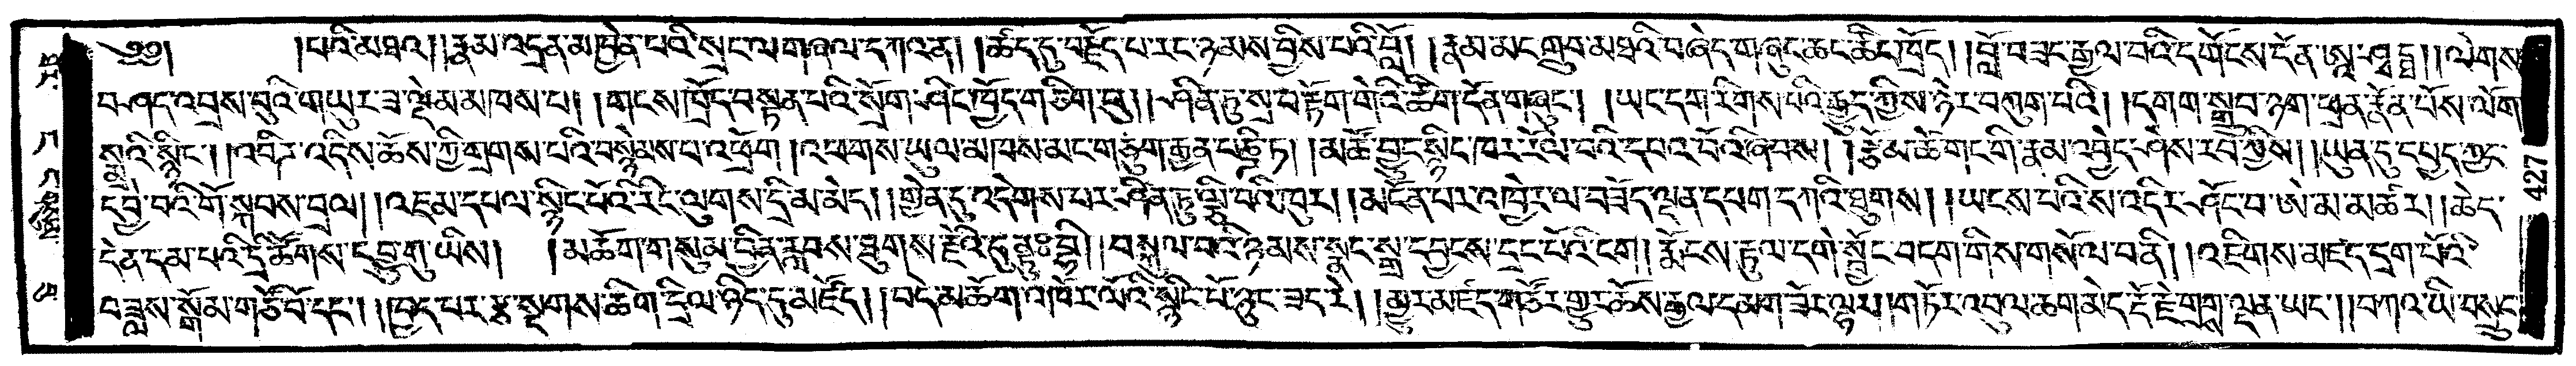༄༅། །པའི་མཐའ། །རྣམ་འདྲན་མཁྱེན་པའི་སྲང་ལ་གཞལ་དཀའ་ན། །ཚད་དུ་བརྗོད་པ་རང་ཉམས་བྱིས་པའི་བློ། །རྣམ་མང་གྲུབ་མཐའི་བཞེད་གཞུང་ཆང་ཚིང་ཁྲོད། །བློ་བཟང་རྒྱལ་བའི་དགོངས་དོན་ཨཱ་ཤྭ་དྠ། །ལེགས་
བཤད་འབྲས་བུའི་གཡུར་ཟ་ལྡེམ་མཁས་པ། །གངས་ཁྲོད་བསྟན་པའི་སྲོག་ཤིང་ཁྱོད་གཅིག་པུ། །ཤིན་ཏུ་སྲ་བ་རྟོག་གེའི་ཚིག་དོན་གཞུང་། །ཡང་དག་རིགས་པའི་རྒྱུད་ཀྱིས་ཉེར་བཀུག་པའི། །དགག་སྒྲུབ་ཉག་ཕྲན་རྣོན་པོས་ལོག་
སྨྲའི་སྙིང་། །འབིགས་འདིས་ཆོས་ཀྱི་གྲགས་པའི་བསྙེམས་པ་འཕྲོག །འཕགས་ཡུལ་མཁས་མང་གཙུག་རྒྱན་པཎྜི་ཏ། །མཚོ་བྱུང་སྙིང་ཁར་རོལ་བའི་དཔའ་བོའི་ཞབས། །རྩོམ་ཚེ་གང་གི་རྣམ་འབྱེད་ཤེས་རབ་ཀྱིས། །ཡུན་དུ་དཔྱད་ཀྱང་
དབྱེ་བའི་གོ་སྐབས་བྲལ། །འཇམ་དཔལ་སྙིང་པོའི་རིང་ལུགས་དྲི་མ་མེད། །གྱེན་དུ་འདེགས་པར་ཤིན་ཏུ་ལྕི་བའི་ཁུར། །མངོན་པར་འཁྱེར་ལ་བཟོད་ལྡན་དཔག་དཀའི་ཐུགས། །ཡངས་པའི་ས་འདིར་ཤོང་བ་ཨེ་མ་མཚར། །ཆེད་
དོན་དམ་པའི་དྲི་ཚོགས་དབྱུ་གུ་ཡིས། །མཆོག་གསུམ་བྱིན་རླབས་ཐུགས་རྗེའི་དུནྟུཿ བྷི། །བསྐུལ་བའི་ཉམས་སྣང་སྒྲ་དབྱངས་དྲང་པོའི་ངག །རྨོངས་རྟུལ་དགེ་སྦྱོང་བདག་གིས་གསོལ་བ་ནི། །འཇིགས་མཛད་དྲག་པོའི་
བཟླས་སྒོམ་གཙོ་བོ་དང་། །ཁྱད་པར་རྩ་སྔགས་ཚིག་དྲིལ་ཉིད་དུ་མཛོད། །བདེ་མཆོག་འཁོར་ལོའི་སྙིང་པོ་ཉུང་ཟད་རེ། །མྱུར་མཛད་གཙོར་གྱུར་ཆོས་རྒྱལ་དམག་ཟོར་ལྷར། །གཏོར་འབུལ་ཆག་མེད་རྡོ་རྗེ་གྲགས་ལྡན་ཡང་། །བཀའ་ཡི་བསྲུང་